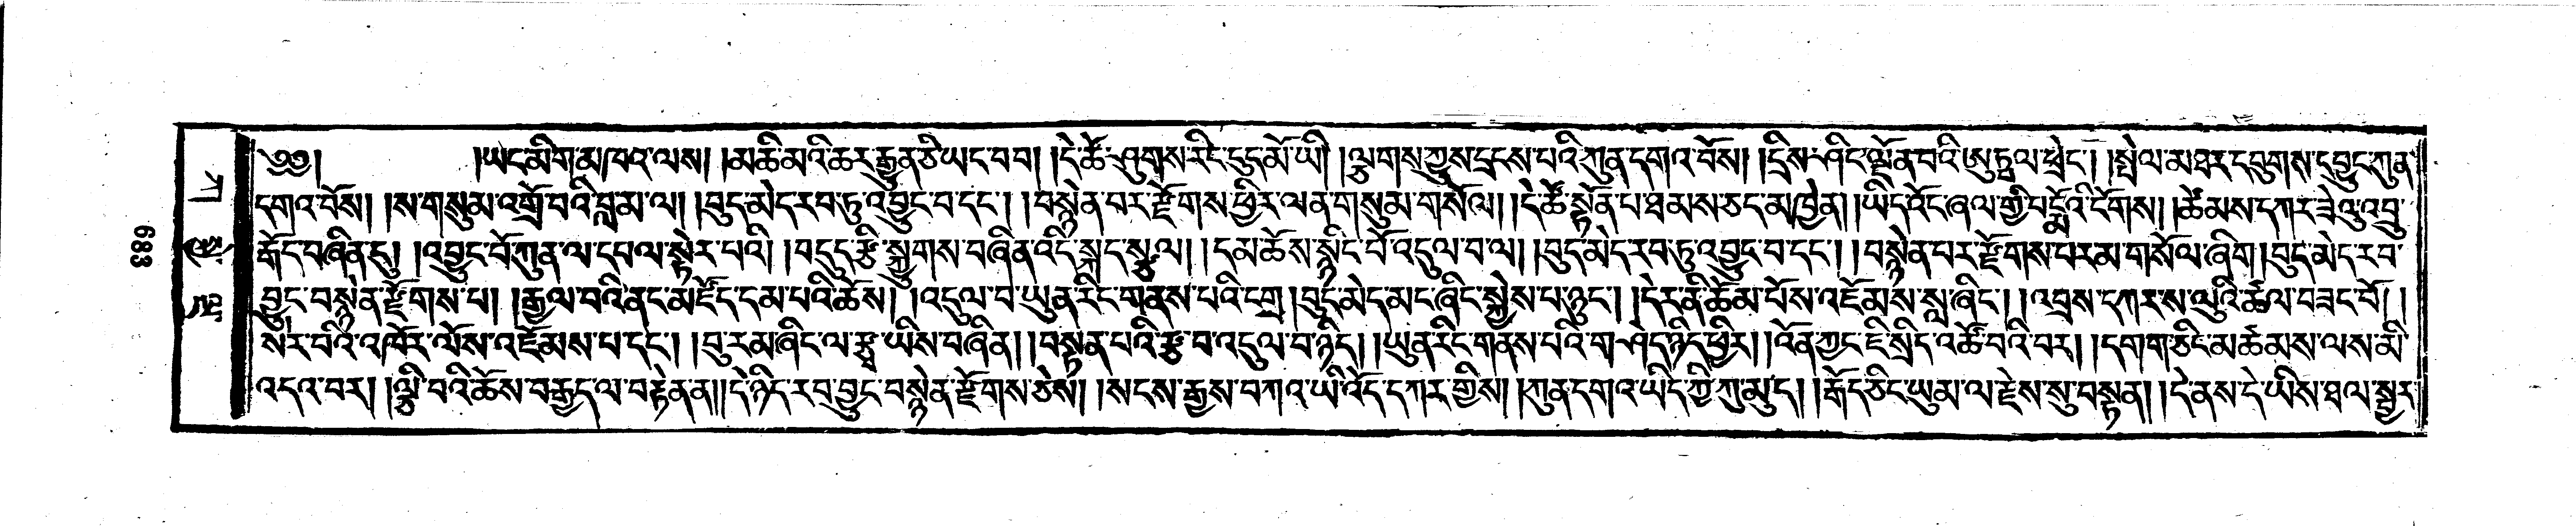༄༅། །ཡང་མིག་མཁའ་ལས། །མཆི་མའི་ཆར་རྒྱུན་ཅི་ཡང་བབ། །དེ་ཚེ་ཤུགས་རིང་དུད་མོ་ཡི། །ལྕགས་ཀྱུས་དྲངས་པའི་ཀུན་དགའ་བོས། །དྲིས་ཤིང་ལྡོན་པའི་ཨུཏྤལ་ཕྲེང་། །སྤེལ་མཐར་དབུགས་དབྱུང་ཀུན་
དགའ་བོས། །ས་གསུམ་འགྲོ་བའི་བླ་མ་ལ། །བུད་མེད་རབ་ཏུ་འབྱུང་བ་དང་། །བསྙེན་པར་རྫོགས་ཕྱིར་ལན་གསུམ་གསོལ། །དེ་ཚེ་སྟོན་པ་ཐམས་ཅད་མཁྱེན། །ཡིད་འོང་ཞལ་གྱི་པདམོའི་ངོགས། །ཚེམས་དཀར་ཟེའུ་འབྲུ་
རྒོད་བཞིན་དུ། །འབྱུང་པོ་ཀུན་ལ་དཔལ་སྟེར་བའི། །བདུད་རྩི་སྐྱུགས་བཞིན་འདི་སྐད་སྩལ། །དམ་ཆོས་སྙིང་པོ་འདུལ་བ་ལ། །བུད་མེད་རབ་ཏུ་འབྱུང་བ་དང་། །བསྙེན་པར་རྫོགས་པར་མ་གསོལ་ཞིག །བུད་མེད་རབ་
བྱུང་བསྙེན་རྫོགས་པ། །རྒྱལ་བའི་ནང་མཛོད་དམ་པའི་ཆོས། །འདུལ་བ་ཡུན་རིང་གནས་པའི་དགྲ་།བུད་མེད་མང་ཞིང་སྐྱེས་པ་ཉུང་། །དེར་ནི་ཆོམ་པོས་འཇོམས་སླ་ཞིང་། །འབྲས་དཀར་ས་ལུའི་ཚལ་བཟང་པོ། །
སེར་བའི་འཁོར་ལོས་འཇོམས་པ་དང་། །བུ་རམ་ཞིང་ལ་རྩྭ་ཡིས་བཞིན། །བསྟན་པའི་རྩ་བ་འདུལ་བ་ཉིད། །ཡུན་རིང་གནས་པའི་གཤེད་ཉིད་ཕྱིར། །འོན་ཀྱང་ཇི་སྲིད་འཚོ་བའི་བར། །དགག་ཅིང་མཚམས་ལས་མི་
འདའ་བར། །ལྕི་བའི་ཆོས་བརྒྱད་ལ་བརྟེན་ན། །དེ་ཉིད་རབ་བྱུང་བསྙེན་རྫོགས་ཅེས། །སངས་རྒྱས་བཀའ་ཡི་འོད་དཀར་གྱིས། །ཀུན་དགའ་ཡིད་ཀྱི་ཀུ་མུ་ད། །རྒོད་ཅིང་ཡུམ་ལ་རྗེས་སུ་བསྟན། །དེ་ནས་དེ་ཡིས་ཐལ་སྦྱར་